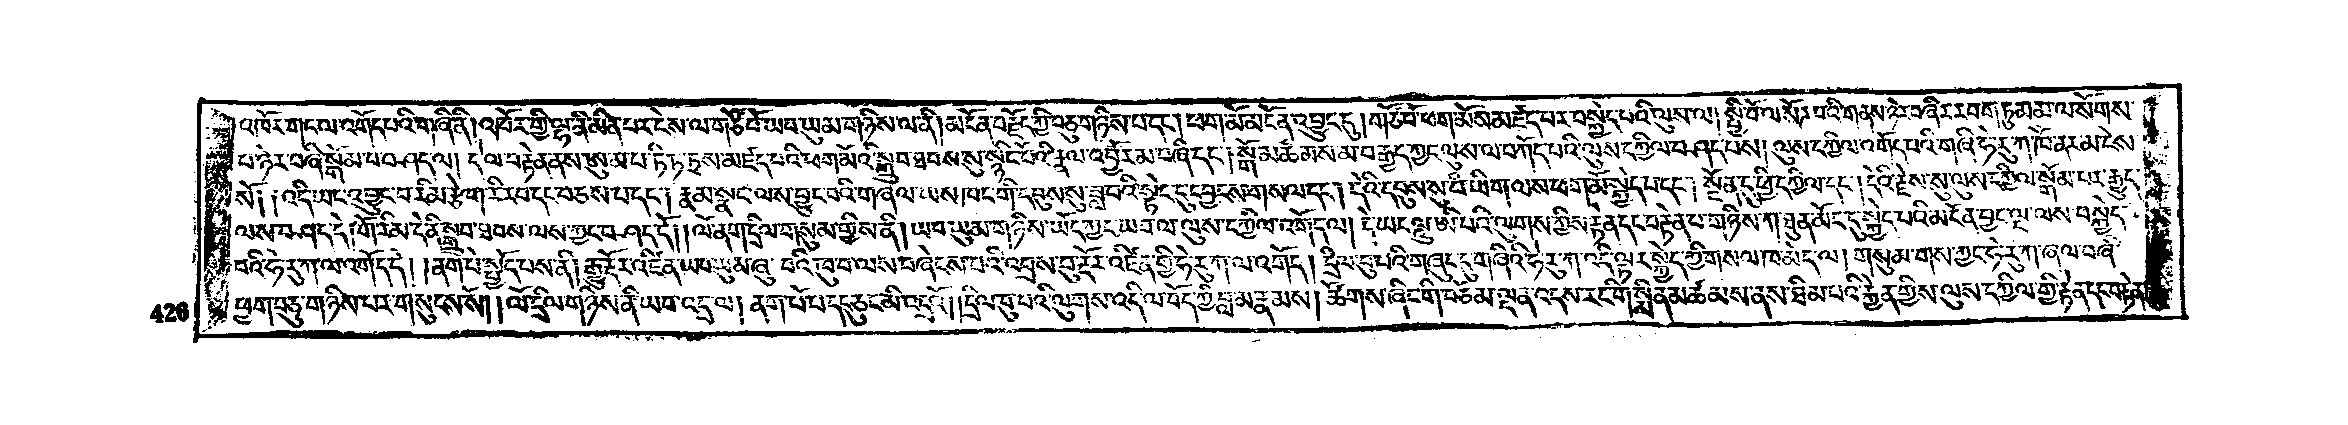འཁོར་གང་ལ་འགོད་པའི་གཞི་ནི། འཁོར་གྱི་ལྷ་ནི་མིན་པར་ངེས་ལ་གཙོ་བོ་ཡབ་ཡུམ་གཉིས་ལ་ནི། མངོན་བརྗོད་ཀྱི་བཅུ་གཉིས་པ་དང་། ཕག་མོ་མངོན་འབྱུང་དུ། གཙོ་བོ་ཕག་མོས་མཛད་པར་བསྐྱེད་པའི་ལུས་ལ། སྤྱི་བོ་ལ་སོགས་པའི་གནས་ཉེར་བཞིར་རབ་གཏུམ་མ་ལ་སོགས་
པ་ཉེར་བཞི་སྒོམ་པ་བཤད་ལ། དེ་ལ་བརྟེན་ནས་ཨུ་མ་པ་ཏི་ཏ་ཏྲས་མཛད་པའི་ཕག་མོའི་སྒྲུབ་ཐབས་སུ་སྙིང་པོའི་རྣལ་འབྱོར་མ་བཞི་དང་། སྒོ་མཚམས་མ་བརྒྱད་ཀྱང་ལུས་ལ་བཀོད་པའི་ལུས་དཀྱིལ་བཤད་པས། ལུས་དཀྱིལ་འགོད་པའི་གཞི་ཧེ་རུ་ཀ་ཁོ་ནར་མ་ངེས་
སོ། །འདི་ཡང་འབྱུང་བ་རིམ་རྩེག་རི་རབ་དང་བཅས་པ་དང་། རྣམ་སྣང་ལས་བྱུང་བའི་གཞལ་ཡས་ཁང་གི་དབུས་སུ་ཟླ་བའི་སྟེང་དུ་དབྱངས་གསལ་དང་། དེའི་དབུས་སུ་བཾ་ཡིག་ལས་ཕག་མོ་སྐྱེད་པ་དང་། སྔོན་དུ་ཕྱི་དཀྱིལ་དང་། དེའི་རྗེས་སུ་ལུས་དཀྱིལ་སྒོམ་པར་རྒྱུད་
ལས་བཤད་དེ། གོ་རིམ་དེ་ནི་སྒྲུབ་ཐབས་ལས་ཀྱང་བཤད་དོ། །ལོ་ནག་དྲིལ་གསུམ་གྱིས་ནི། ཡབ་ཡུམ་གཉིས་ཡོད་ཀྱང་ཡབ་ལ་ལུས་དཀྱིལ་འགོད་ལ། དེ་ཡང་ལཱུ་ཨི་པའི་ལུགས་ཀྱིས་རྟེན་དང་བརྟེན་པ་གཉིས་ཀ་ཐུན་མོང་དུ་སྐྱེད་པའི་མངོན་བྱང་ལྔ་ལས་བསྐྱེད་
པའི་ཧེ་རུ་ཀ་ལ་འགོད་དོ་།ནག་པོ་སྤྱོད་པས་ནི། རྒྱུ་རྡོར་འཛིན་ཡབ་ཡུམ་ཞུ་བའི་ཁུ་བ་ལས་བཞེངས་པའི་འབྲས་བུ་རྡོར་འཛིན་གྱི་ཧེ་རུ་ཀ་ལ་འགོད། དྲིལ་བུ་པའི་གཞུང་དུ་གཞིའི་ཧེ་རུ་ཀ་འདི་ལྟར་སྐྱེད་ཀྱི་གསལ་ཁ་མེད་ལ། གསུམ་གས་ཀྱང་ཧེ་རུ་ཀ་ཞལ་བཞི་
ཕྱག་བཅུ་གཉིས་པར་གསུངས་སོ། །ལོ་དྲིལ་གཉིས་ནི་ཡབ་འདྲ་ལ། ནག་པོ་པ་དང་ཅུང་མི་འདྲའོ། །དྲིལ་བུ་པའི་ལུགས་འདི་ལ་བོད་ཀྱི་བླ་མ་རྣམས། ཚོགས་ཞིང་གི་བཅོམ་ལྡན་འདས་རང་གི་སྨིན་མཚམས་ནས་ཐིམ་པའི་རྐྱེན་གྱིས་ལུས་དཀྱིལ་གྱི་རྟེན་དང་བརྟེན་